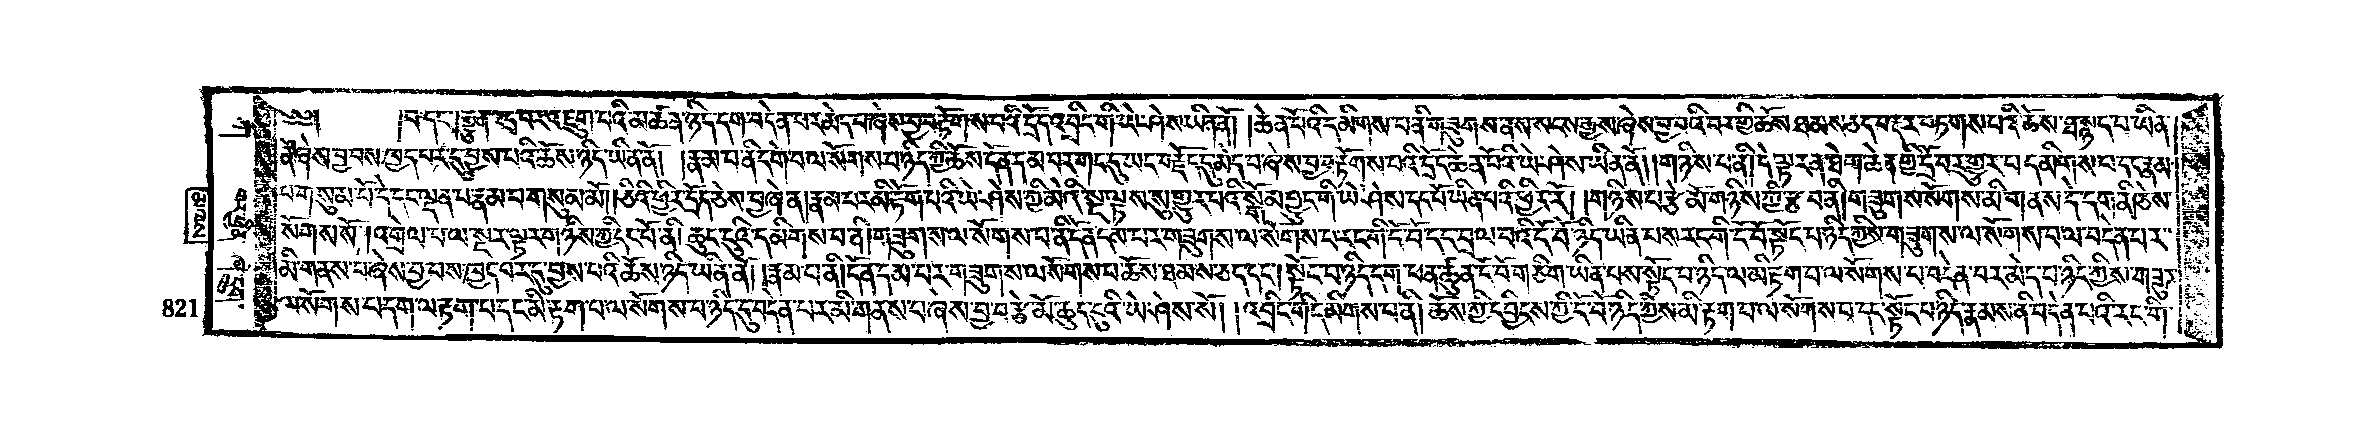༄༅། །བ་དང་། རྒྱུན་འདྲ་བར་འཇུག་པའི་མཚན་ཉིད་དག་བདེན་པར་མེད་པ་ཞེས་བྱ་བ་རྟོགས་པའི་དྲོད་འབྲིང་གི་ཡེ་ཤེས་ཡིན་ནོ། །ཆེན་པོའི་དམིགས་པ་ནི་གཟུགས་ནས་སངས་རྒྱས་ཞེས་བྱ་བའི་བར་གྱི་ཆོས་ཐམས་ཅད་བརྡར་བཏགས་པའི་ཆོས་ཐ་སྙད་པ་ཡིན་
ནོ་ཞེས་བྱ་བས་ཁྱད་པར་དུ་བྱས་པའི་ཆོས་ཉིད་ཡིན་ནོ། །རྣམ་པ་ནི་དགེ་བ་ལ་སོགས་པ་ཉིད་ཀྱི་ཆོས་དོན་དམ་པར་གང་དུ་ཡང་བརྗོད་དུ་མེད་པ་ཞེས་བྱ་བ་རྟོགས་པའི་དྲོད་ཆེན་པོའི་ཡེ་ཤེས་ཡིན་ནོ། །གཉིས་པ་ནི། དེ་ལྟར་ན་ཐེག་ཆེན་གྱི་དྲོ་བར་གྱུར་པ་དམིགས་པ་དང་རྣམ་
པ་གསུམ་པོ་དེ་དང་ལྡན་པ་རྣམ་པ་གསུམ་མོ། །ཅིའི་ཕྱིར་དྲོད་ཅེས་བྱ་ཞེ་ན། རྣམ་པར་མི་རྟོག་པའི་ཡེ་ཤེས་ཀྱི་མེའི་སྔ་ལྟས་སུ་གྱུར་པའི་སྒོམ་བྱུང་གི་ཡེ་ཤེས་དང་པོ་ཡིན་པའི་ཕྱིར་རོ། །གཉིས་པ་རྩེ་མོ་གཉིས་ཀྱི་རྩ་བ་ནི། གཟུགས་སོགས་མི་གནས་དེ་དག་ནི། ཅེས་
སོགས་སོ། །འགྲེལ་པ་ལ་སྔར་ལྟར་གཉིས་ཀྱི་དང་པོ་ནི། ཆུང་ངུའི་དམིགས་པ་ནི། གཟུགས་ལ་སོགས་པ་ནི་དོན་དམ་པར་གཟུགས་ལ་སོགས་པ་རང་གི་ངོ་བོ་དང་བྲལ་བའི་ངོ་བོ་ཉིད་ཡིན་པས་རང་གི་ངོ་བོ་སྟོང་པ་ཉིད་ཀྱིས་གཟུགས་ལ་སོགས་པ་ལ་བདེན་པར་
མི་གནས་པ་ཞེས་བྱ་བས་ཁྱད་པར་དུ་བྱས་པའི་ཆོས་ཉིད་ཡིན་ནོ། །རྣམ་པ་ནི། དོན་དམ་པར་གཟུགས་ལ་སོགས་པ་ཆོས་ཐམས་ཅད་དང་། སྟོང་པ་ཉིད་དག་ཕན་ཚུན་ངོ་བོ་གཅིག་ཡིན་པས་སྟོང་པ་ཉིད་ལ་མི་རྟག་པ་ལ་སོགས་པ་བདེན་པར་མེད་པ་ཉིད་ཀྱིས་གཟུགས་
ལ་སོགས་པ་དག་ལ་རྟག་པ་དང་མི་རྟག་པ་ལ་སོགས་པ་ཉིད་དུ་བདེན་པར་མི་གནས་པ་ཞེས་བྱ་བ་རྩེ་མོ་ཆུང་ངུའི་ཡེ་ཤེས་སོ། །འབྲིང་གི་དམིགས་པ་ནི། ཆོས་ཀྱི་དབྱིངས་ཀྱི་ངོ་བོ་ཉིད་ཀྱིས་མི་རྟག་པ་ལ་སོགས་པ་དང་སྟོང་པ་ཉིད་རྣམས་ནི་བདེན་པའི་རང་གི་